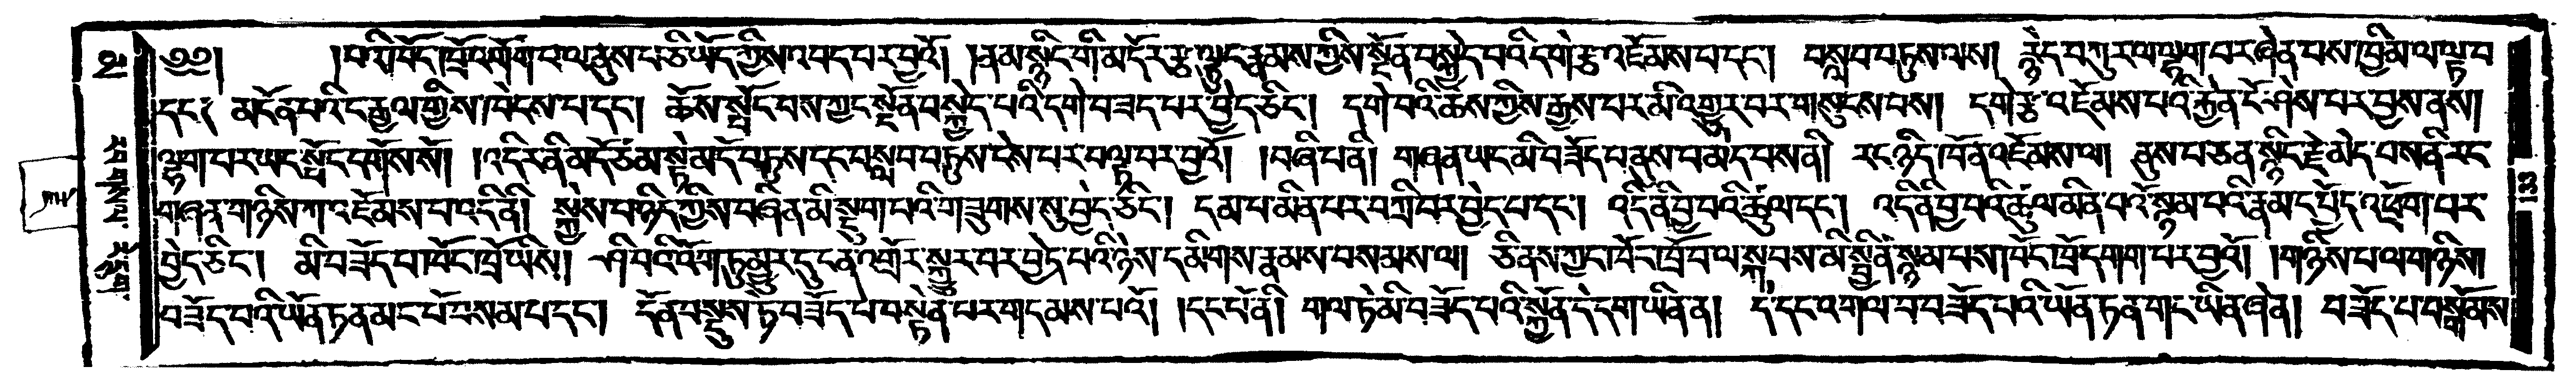༄༅། །པའི་ཁོང་ཁྲོ་འགོག་པ་ལ་ནུས་པ་ཅི་ཡོད་ཀྱིས་འབད་པར་བྱའོ། །ནམ་སྙིང་གི་མདོར་རྩ་ལྟུང་རྣམས་ཀྱིས་སྔོན་བསྐྱེད་པའི་དགེ་རྩ་འཇོམས་པ་དང་། བསླབ་བཏུས་ལས། རྙེད་བཀུར་ལ་ལྷག་པར་ཞེན་པས་ཁྱིམ་ལ་ལྟ་བ་
དང༑ མངོན་པའི་ང་རྒྱལ་གྱིས་ཁེངས་པ་དང་ཆོས་སྤོང་བས་ཀྱང་སྔོན་བསྐྱེད་པའི་དགེ་བ་ཟད་པར་བྱེད་ཅིང་། དགེ་བའི་ཆོས་ཀྱིས་རྒྱས་པར་མི་འགྱུར་བར་གསུངས་པས། དགེ་རྩ་འཇོམས་པའི་རྐྱེན་ངོ་ཤེས་པར་བྱས་ནས།
ལྷག་པར་ཡང་སྤོང་དགོས་སོ། །འདིར་ནི་མདོ་ཙམ་སྟེ་མདོ་བཏུས་དང་བསླབ་བཏུས་ངེས་པར་བལྟ་བར་བྱའོ། །བཞི་པ་ནི། གཞན་ཡང་མི་བཟོད་པ་ནུས་པ་མེད་པས་ནི། རང་ཉིད་ཁོ་ན་འཇོམས་ལ། ནུས་པ་ཅན་སྙིང་རྗེ་མེད་པས་ནི་རང་
གཞན་གཉིས་ཀ་འཇོམས་པ་འདི་ནི། སྐྱེས་པ་ཉིད་ཀྱིས་བཞིན་མི་སྡུག་པའི་གཟུགས་སུ་བྱེད་ཅིང་། དམ་པ་མིན་པར་བཀྲི་བར་བྱེད་པ་དང་། འདི་ནི་བྱ་བའི་ཚུལ་དང་། འདི་ནི་བྱ་བའི་ཚུལ་མིན་པའོ་སྙམ་པའི་རྣམ་དཔྱོད་འཕྲོག་པར་
བྱེད་ཅིང་། མི་བཟོད་པ་ཁོང་ཁྲོ་ཡིས། ཤི་བའི་འོག་ཏུ་མྱུར་དུ་ངན་འགྲོར་སྐྱུར་བར་བྱེད་པའི་ཉེས་དམིགས་རྣམས་བསམས་ལ། ཅི་ནས་ཀྱང་ཁོང་ཁྲོ་བ་ལ་སྐབས་མི་སྦྱིན་སྙམ་པས་ཁོང་ཁྲོ་དགག་པར་བྱའོ། །གཉིས་པ་ལ་གཉིས།
བཟོད་པའི་ཡོན་ཏན་མང་པོ་བསམ་པ་དང་། དོན་བསྡུས་ཏེ་བཟོད་པ་བསྟེན་པར་གདམས་པའོ། །དང་པོ་ནི། གལ་ཏེ་མི་བཟོད་པའི་སྐྱོན་དེ་དག་ཡིན་ན། དེ་དང་འགལ་བ་བཟོད་པའི་ཡོན་ཏན་གང་ཡིན་ཞེ་ན། བཟོད་པ་བསྒོམས་